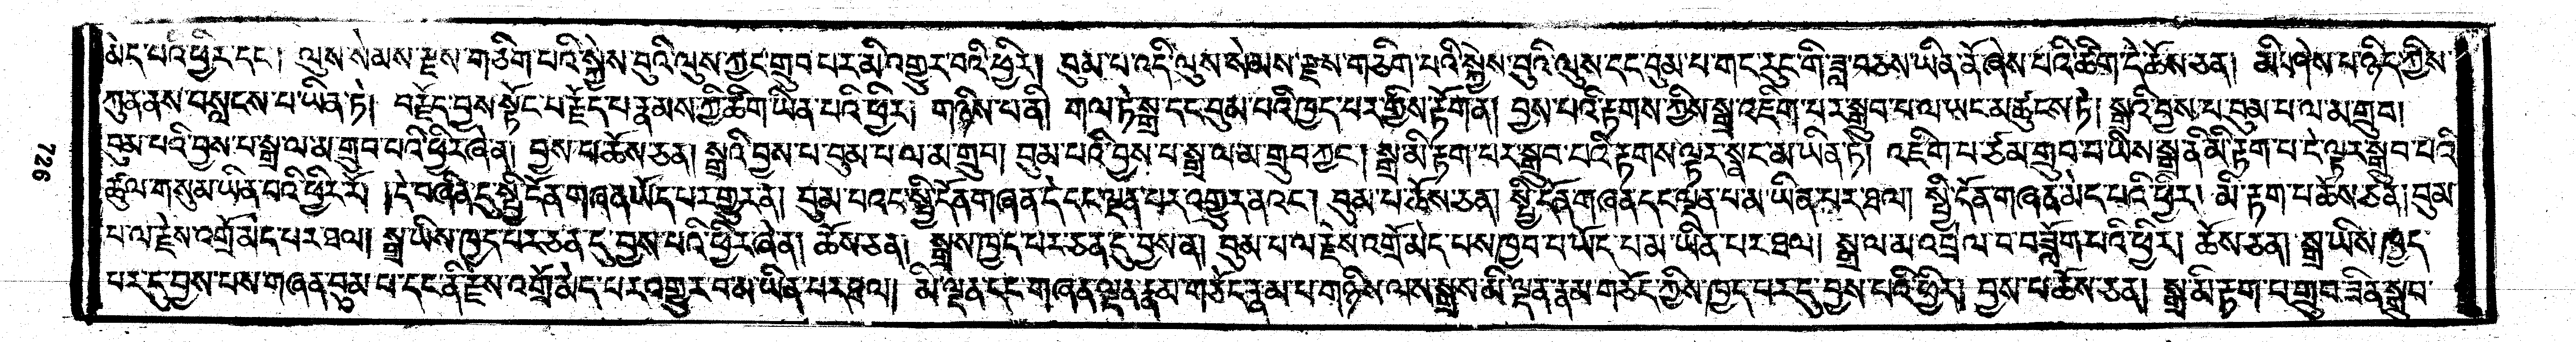མེད་པའི་ཕྱིར་དང་། ལུས་སེམས་རྫས་གཅིག་པའི་སྐྱེས་བུའི་ལུས་ཀྱང་གྲུབ་པར་མི་འགྱུར་བའི་ཕྱིར། བུམ་པ་འདི་ལུས་སེམས་རྫས་གཅིག་པའི་སྐྱེས་བུའི་ལུས་དང་བུམ་པ་གང་རུང་གི་ཟླ་བཅས་ཡིན་ནོ་ཞེས་པའི་ཚིག་དེ་ཆོས་ཅན། མི་ཤེས་པ་ཉིད་ཀྱིས་
ཀུན་ནས་བསླངས་པ་ཡིན་ཏེ། བརྗོད་བྱས་སྟོང་པ་རྗོད་པ་རྣམས་ཀྱི་ཚིག་ཡིན་པའི་ཕྱིར། གཉིས་པ་ནི། གལ་ཏེ་སྒྲ་དང་བུམ་པའི་ཁྱད་པར་གྱིས་རྟོག་ན། བྱས་པའི་རྟགས་ཀྱིས་སྒྲ་འཇིག་པར་སྒྲུབ་པ་ལ་ཡང་མཚུངས་ཏེ། སྒྲའི་བྱས་པ་བུམ་པ་ལ་མ་གྲུབ།
བུམ་པའི་བྱས་པ་སྒྲ་ལ་མ་གྲུབ་པའི་ཕྱིར་ཞེ་ན། བྱས་པ་ཆོས་ཅན། སྒྲའི་བྱས་པ་བུམ་པ་ལ་མ་གྲུབ། བུམ་པའི་བྱས་པ་སྒྲ་ལ་མ་གྲུབ་ཀྱང་། སྒྲ་མི་རྟག་པར་སྒྲུབ་པའི་རྟགས་ལྟར་སྣང་མ་ཡིན་ཏེ། འཇིག་པ་ཙམ་གྲུབ་པ་ཡིས་སྒྲ་ནི་མི་རྟག་པ་དེ་ལྟར་སྒྲུབ་པའི་
ཚུལ་གསུམ་ཡིན་པའི་ཕྱིར་རོ། །དེ་བཞིན་དུ་སྤྱི་དོན་གཞན་ཡོད་པར་གྱུར་ན། བུམ་པའང་སྤྱི་དོན་གཞན་དེ་དང་ལྡན་པར་འགྱུར་ནའང་། བུམ་པ་ཆོས་ཅན། སྤྱི་དོན་གཞན་དང་ལྡན་པ་མ་ཡིན་པར་ཐལ། སྤྱི་དོན་གཞན་མེད་པའི་ཕྱིར། མི་རྟག་པ་ཆོས་ཅན། བུམ་
པ་ལ་རྗེས་འགྲོ་མེད་པར་ཐལ། སྒྲ་ཡིས་ཁྱད་པར་ཅན་དུ་བྱས་པའི་ཕྱིར་ཞེ་ན། ཆོས་ཅན། སྒྲས་ཁྱད་པར་ཅན་དུ་བྱས་ན། བུམ་པ་ལ་རྗེས་འགྲོ་མེད་པས་ཁྱབ་པ་ཡོད་པ་མ་ཡིན་པར་ཐལ། སྒྲ་ལ་མ་འབྲེལ་པ་བཟློག་པའི་ཕྱིར། ཆོས་ཅན། སྒྲ་ཡིས་ཁྱད་
པར་དུ་བྱས་པས་གཞན་བུམ་པ་དང་ནི་རྗེས་འགྲོ་མེད་པར་འགྱུར་བ་མ་ཡིན་པར་ཐལ། མི་ལྡན་དང་གཞན་ལྡན་རྣམ་གཅོད་རྣམ་པ་གཉིས་ལས་སྒྲས་མི་ལྡན་རྣམ་གཅོད་ཀྱིས་ཁྱད་པར་དུ་བྱས་པའི་ཕྱིར། བྱས་པ་ཆོས་ཅན། སྒྲ་མི་རྟག་པ་གྲུབ་ཟིན་སྒྲུབ་